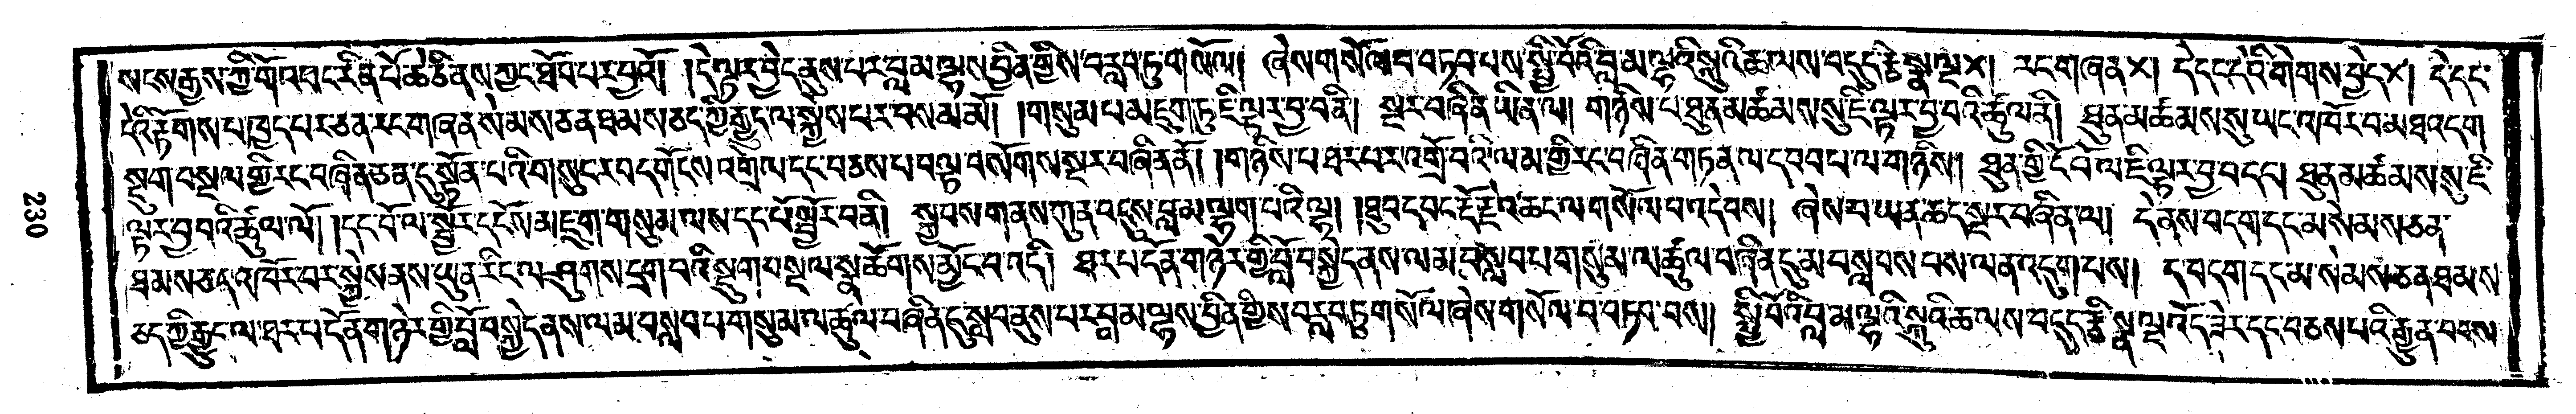སངས་རྒྱས་ཀྱི་གོ་འཕང་རིན་པོ་ཆེ་ཅི་ནས་ཀྱང་ཐོབ་པར་བྱའོ། །དེ་ལྟར་བྱེད་ནུས་པར་བླ་མ་ལྷས་བྱིན་གྱིས་བརླབ་ཏུ་གསོལ། ཞེས་གསོལ་བ་བཏབ་པས་སྤྱི་བོའི་བླ་མ་ལྷའི་སྐུའི་ཆ་ལས་བདུད་རྩི་སྣ་ལྔ྾། རང་གཞན་྾། དེ་དང་དེའི་གེགས་བྱེད྾། དེ་དང་
དེའི་རྟོགས་པ་ཁྱད་པར་ཅན་རང་གཞན་སེམས་ཅན་ཐམས་ཅད་ཀྱི་རྒྱུད་ལ་སྐྱེས་པར་བསམ་མོ། །གསུམ་པ་མཇུག་ཏུ་ཇི་ལྟར་བྱ་བ་ནི། སྔར་བཞིན་ཡིན་ལ། གཉིས་པ་ཐུན་མཚམས་སུ་ཇི་ལྟར་བྱ་བའི་ཚུལ་ནི། ཐུན་མཚམས་སུ་ཡང་འཁོར་བ་མཐའ་དག་
སྡུག་བསྔལ་གྱི་རང་བཞིན་ཅན་དུ་སྟོན་པའི་གསུང་རབ་དགོངས་འགྲེལ་དང་བཅས་པ་བལྟ་བ་སོགས་སྔར་བཞིན་ནོ། །གཉིས་པ་ཐར་པར་འགྲོ་བའི་ལམ་གྱི་རང་བཞིན་གཏན་ལ་དབབ་པ་ལ་གཉིས། ཐུན་གྱི་ངོ་བོ་ལ་ཇི་ལྟར་བྱ་བ་དང་། ཐུན་མཚམས་སུ་ཇི་
ལྟར་བྱ་བའི་ཚུལ་ལོ། །དང་བོ་ལ་སྦྱོར་དངོས་མཇུག་གསུམ་ལས་དང་པོ་སྦྱོར་བ་ནི། སྐྱབས་གནས་ཀུན་འདུས་བླ་མ་ལྷག་པའི་ལྷ། །ཐུབ་དབང་རྡོ་རྗེ་འཆང་ལ་གསོལ་པ་འདེབས། ཞེས་བ་ཡན་ཆད་སྔར་བཞིན་ལ། དེ་ནས་བདག་དང་མ་སེམས་ཅན་
ཐམས་ཅད་འཁོར་བར་སྐྱེས་ནས་ཡུན་རིང་ལ་ཤུགས་དྲག་བའི་སྡུག་བསྔལ་སྣ་ཚོགས་མྱོང་བ་འདི། ཐར་པ་དོན་གཉེར་གྱི་བློ་བསྐྱེད་ནས་ལམ་བསླབ་པ་གསུམ་ལ་ཚུལ་བཞིན་དུ་མ་བསླབས་པས་ལན་འདུག་པས། ད་བདག་དང་མ་སེམས་ཅན་ཐམས་
ཅད་ཀྱི་རྒྱུད་ལ་ཐར་པ་དོན་གཉེར་གྱི་བློ་བསྐྱེད་ནས་ལམ་བསླབ་པ་གསུམ་ལ་ཚུལ་བཞིན་དུ་བསླབ་ནུས་པར་བླ་མ་ལྷས་བྱིན་གྱིས་བརླབ་ཏུ་གསོལ་ཞེས་གསོལ་བ་བཏབ་བས། སྤྱི་བོའི་བླ་མ་ལྷའི་སྐུའི་ཆ་ལས་བདུད་རྩི་སྣ་ལྔ་འོད་ཟེར་དང་བཅས་པའི་རྒྱུན་བབས་